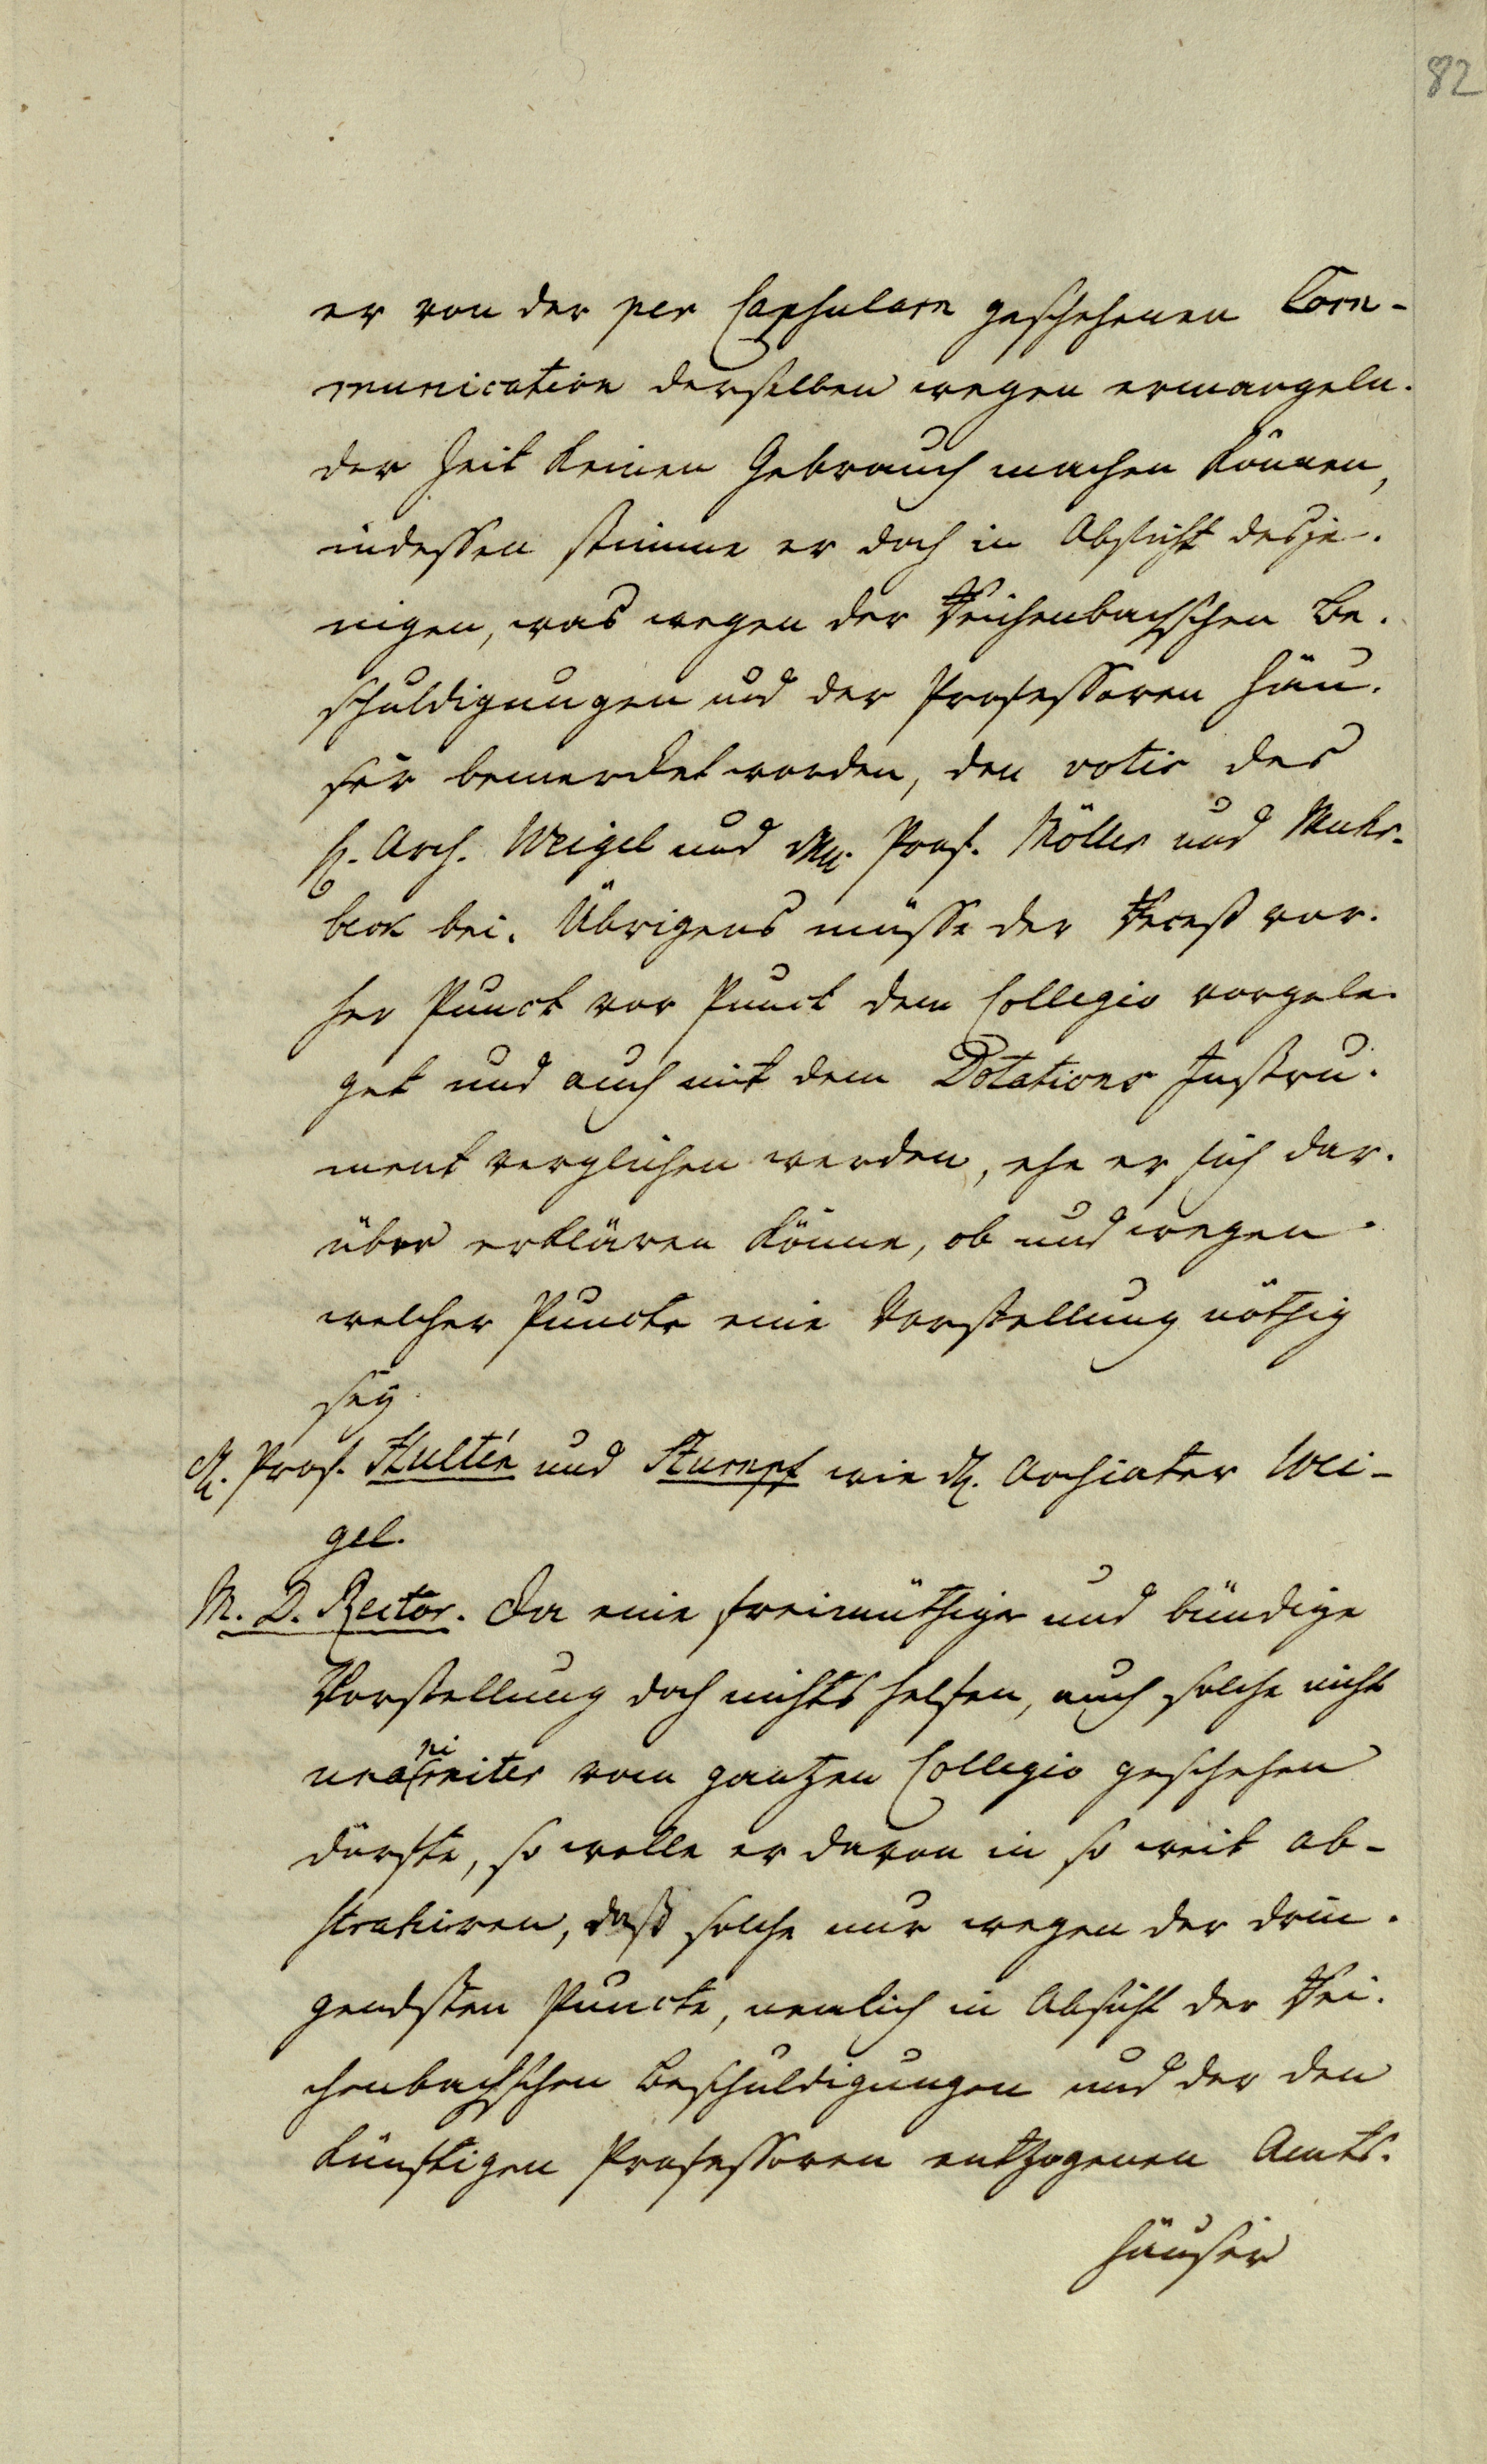er von der per Capsulam geschehenen Com¬
munication derselben wegen ermangeln¬
der Zeit keinen Gebrauch machen können,
indessen stimme er doch in Absicht desje¬
nigen, was wegen der Reichenbachschen Be¬
schuldigungen und der Professoren Häu¬
ser bemercket worden, den votis des
dh. Arch. Weigel und dh. Prof. Möller und Muhr¬
beck bei. Übrigens müsse der Receß vor¬
her Punct vor Punct dem Collegio vorgele¬
gut und auch mit dem Dotations Instru¬
ment verglichen werden, ehe er sich dar¬
über erklären könne, ob und wegen
welcher Puncte eine Vorstellung nöthig
seÿ.
dh. Prof. Hultén und Stumpf wie dh. Archiater Wei¬
gel.
M. D. Rector. Da eine freimüthige und bündige
Vorstellung doch nichts helfen, auch solche nicht
unanimiter vom gantzen Collegio geschehen
dürfte, so wolle er davon in so weit ab¬
strahiren, daß solche nur wegen der drin¬
gendsten Puncte, nemlich in Absicht der Rei¬
chenbachschen Beschuldigungen und der den
künftigen Professoren entzogenen Amts¬
häuser